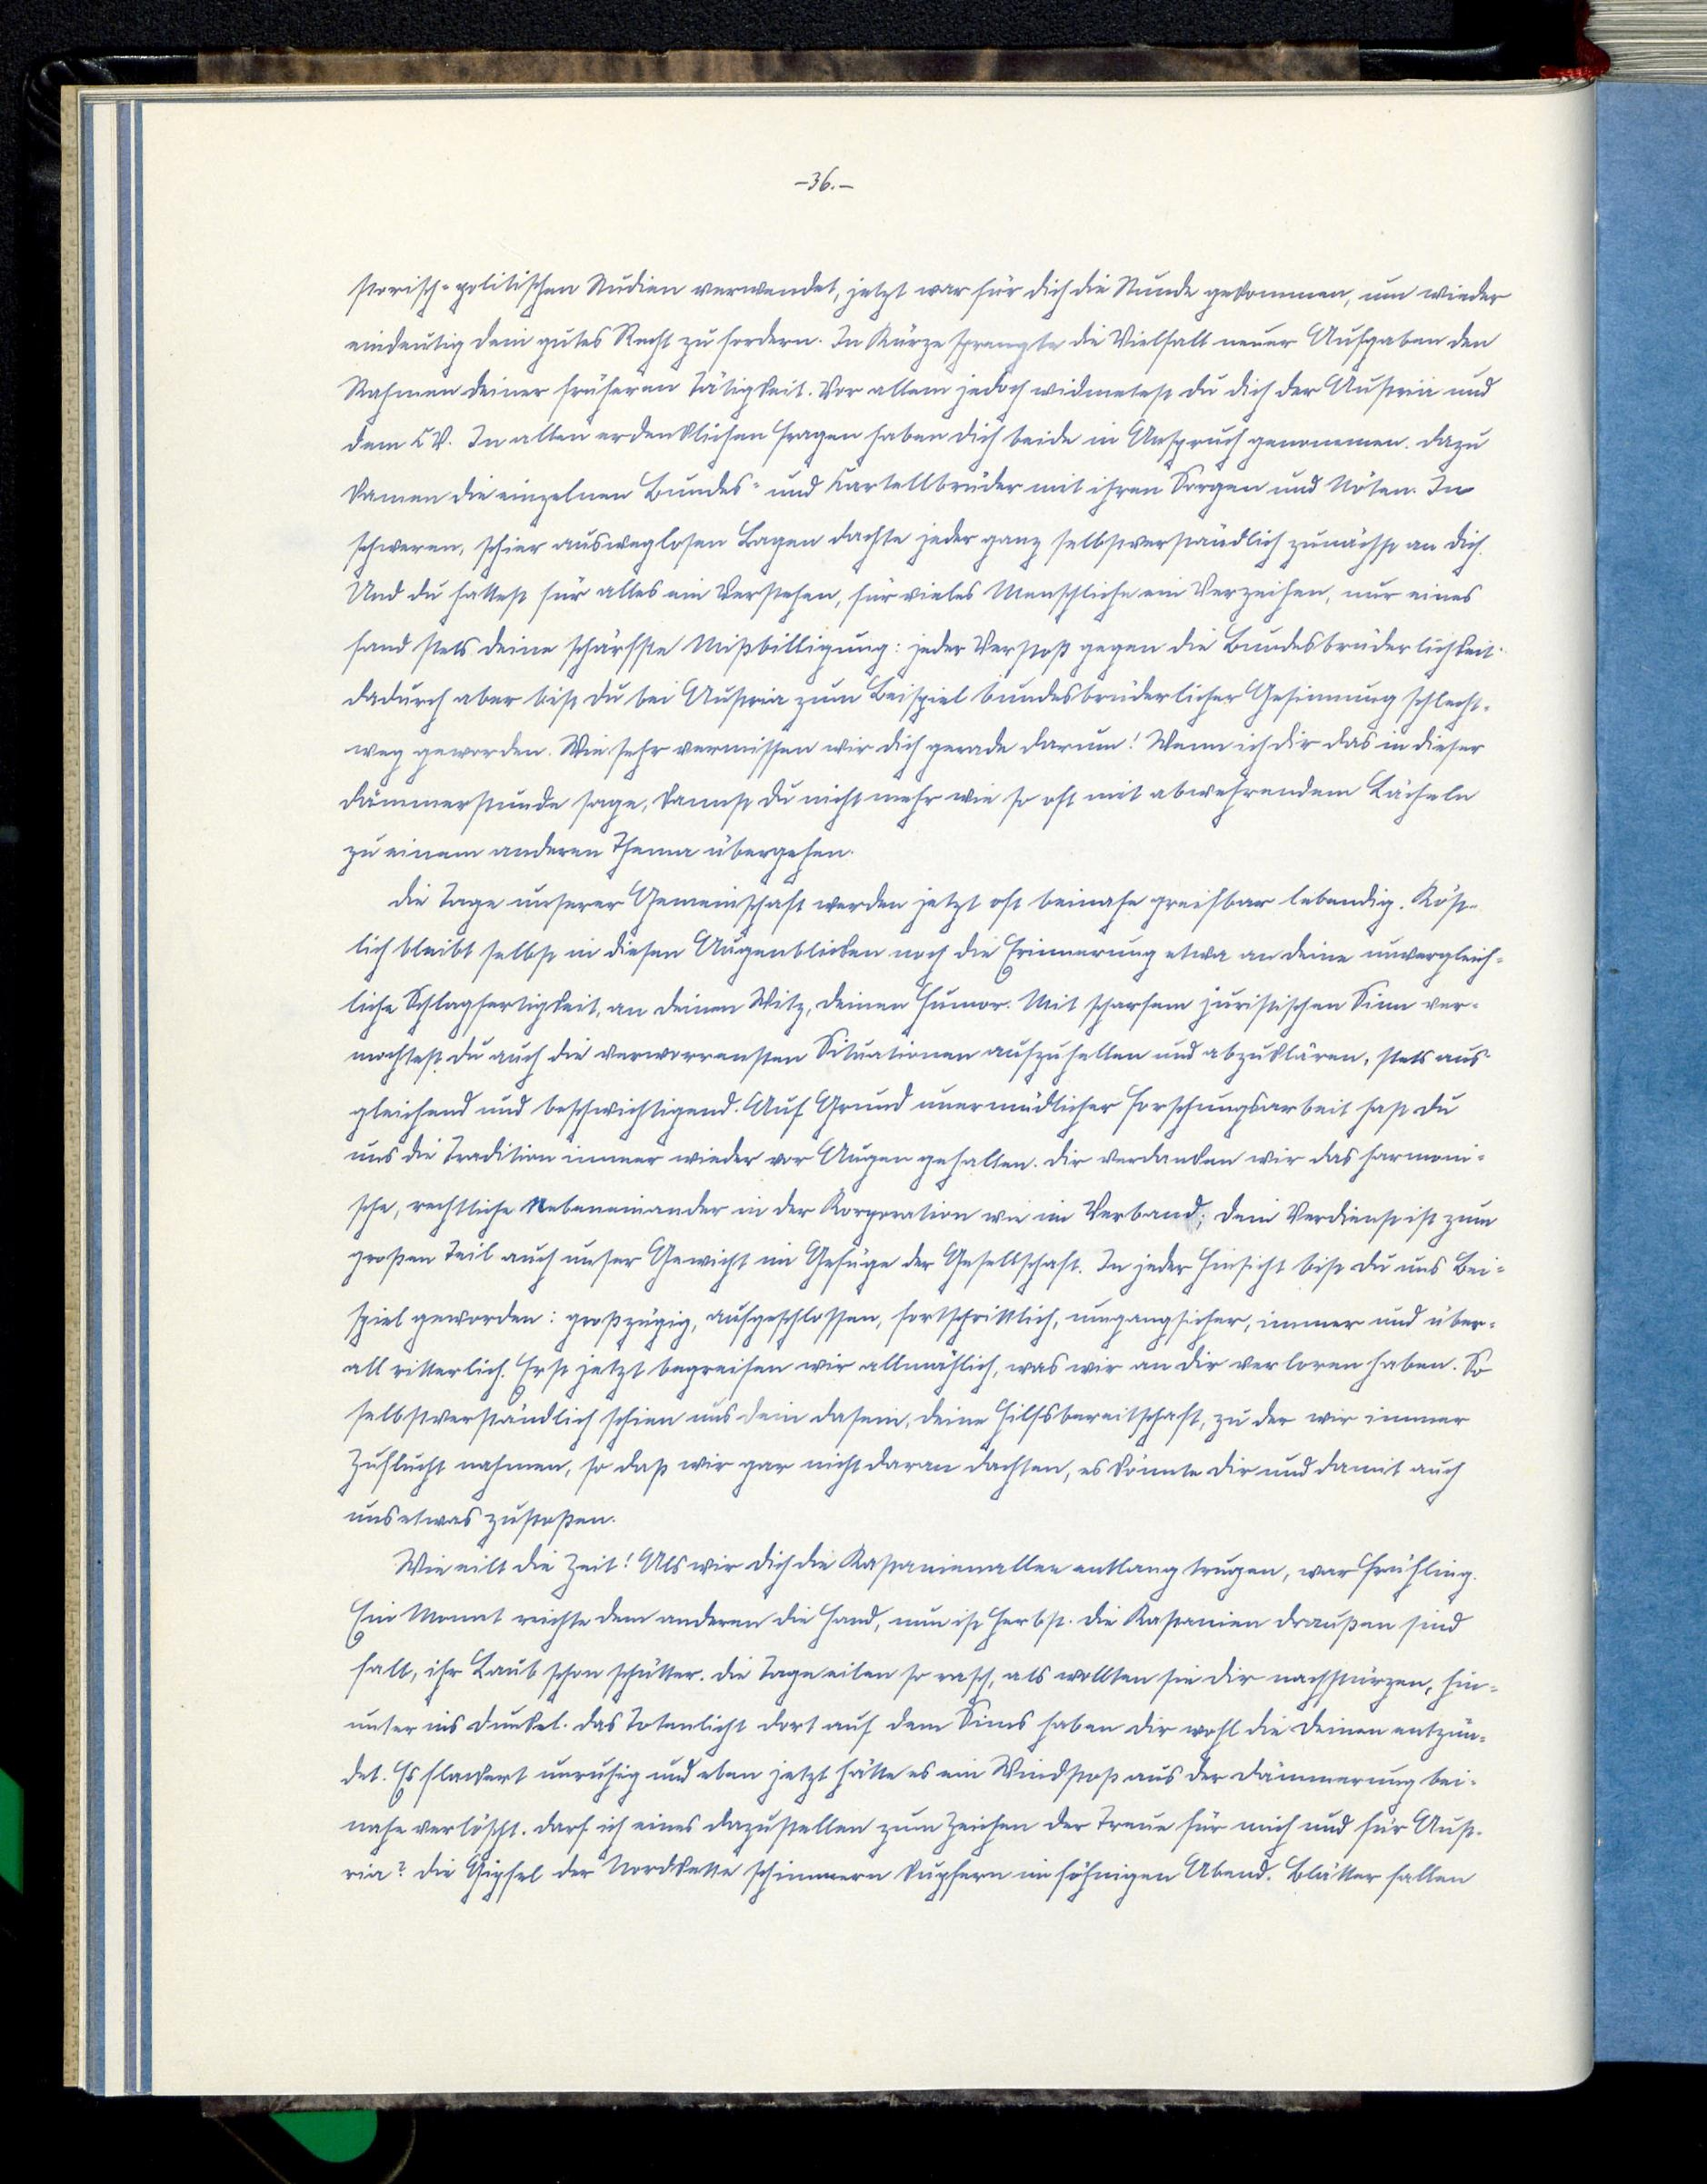36
historisch-politischen Studien verwendet, jetzt war für dich die Stunde gekommen, um wieder
eindeutig dein gutes Recht zu fordern. In Kürze sprengte die Vielfalt neuer Aufgaben den
Rahmen seiner früheren Tätigkeit. Vor allem jedoch widmetest du dich der Austria und
dem CV. In allen ordentlichen Fragen haben dich beide in Anspruch genommen. Dazu
kamen die einzelnen Bundes- und Cartellbrüder mit ihren Sorgen und Nöten. In
schweren, schier ausweglosen Lagen dachte jeder ganz selbstverständlich zunächst an dich.
Und du hattest für alles ein Verstehen, für vieles Menschliche ein Verzeihen, nur eines
fand stets deine schärfste Missbilligung: jeder Verstoß gegen die Bundesbrüderlichkeit.
Dadurch aber bist du bei Austria zum Beispiel bundesbrüderlicher Gesinnung schlecht
weg geworden. Wie sehr vermissen wir dich gerade darum. Wenn ich dir das in dieser
Dämmerstunde sage, kannst du nicht mehr wie so oft mit abwehrendem Lächeln
zu einem anderen Thema übergehen.
Die Tage unserer Gemeinschaft werden jetzt oft beinahe greifbar lebendig. Köst-
lich bleibt selbst in diesen Augenblicken noch die Erinnerung etwa an deine unvergleich-
liche Schlagfertigkeit, an deinen Witz, deinen Humor. Mit scharfem juristischen Sinne ver-
mochtest du auch die verworrensten Situationen aufzuhellen und abzuklären, stets aus-
gleichend und beschwichtigend. Aufgrund unermüdlicher Forschungsarbeit hast du
uns die Tradition immer wieder vor Augen gehalten. Dir verdanken wir das harmoni-
sche, rechtliche Nebeneinander in der Korporation wie im Verband; Dein Verdienst ist zum
großen Teil auch unser Gewicht im Gefüge der Gesellschaft. In jeder Hinsicht bist du uns Bei-
spiel geworden: großzügig, aufgeschlossen, fortschrittlich, umgangssicher, immer und über-
all ritterlich. Erst jetzt begreifen wir allmählich, was wir an dir verloren haben. So
selbstverständlich schien uns dein Dasein, deine Hilfsbereitschaft, zu der wir immer
Zuflucht nehmen, so daß wir gar nicht daran dachten, es könnte dir und damit auch
uns etwas zustoßen.
Wie eilt die Zeit! Als wir dich die Kastanienallee entlang trugen, war Frühling.
Ein Monat reichte dem anderen die Hand, nun ist Herbst. Die Kastanien draußen sind
falb, ihr Laub schon schütter. Die Tage eilen so rasch, als wollten sie dir nachstürzen, hi-
nunter ins Dunkel. Das Totenlicht auf dem Sims haben dir wohl die deinen entzün-
det. Es flackert unruhig und eben jetzt hätte es ein Windstoß aus der Dämmerung bei-
nahe verlöscht. Dass ich eines dazustellen zum Zeichen der Treue für mich und für Aust-
ria? Die Gipfel der Nordkette schimmern kupfern im föhnigen Abend. Blätter fallen